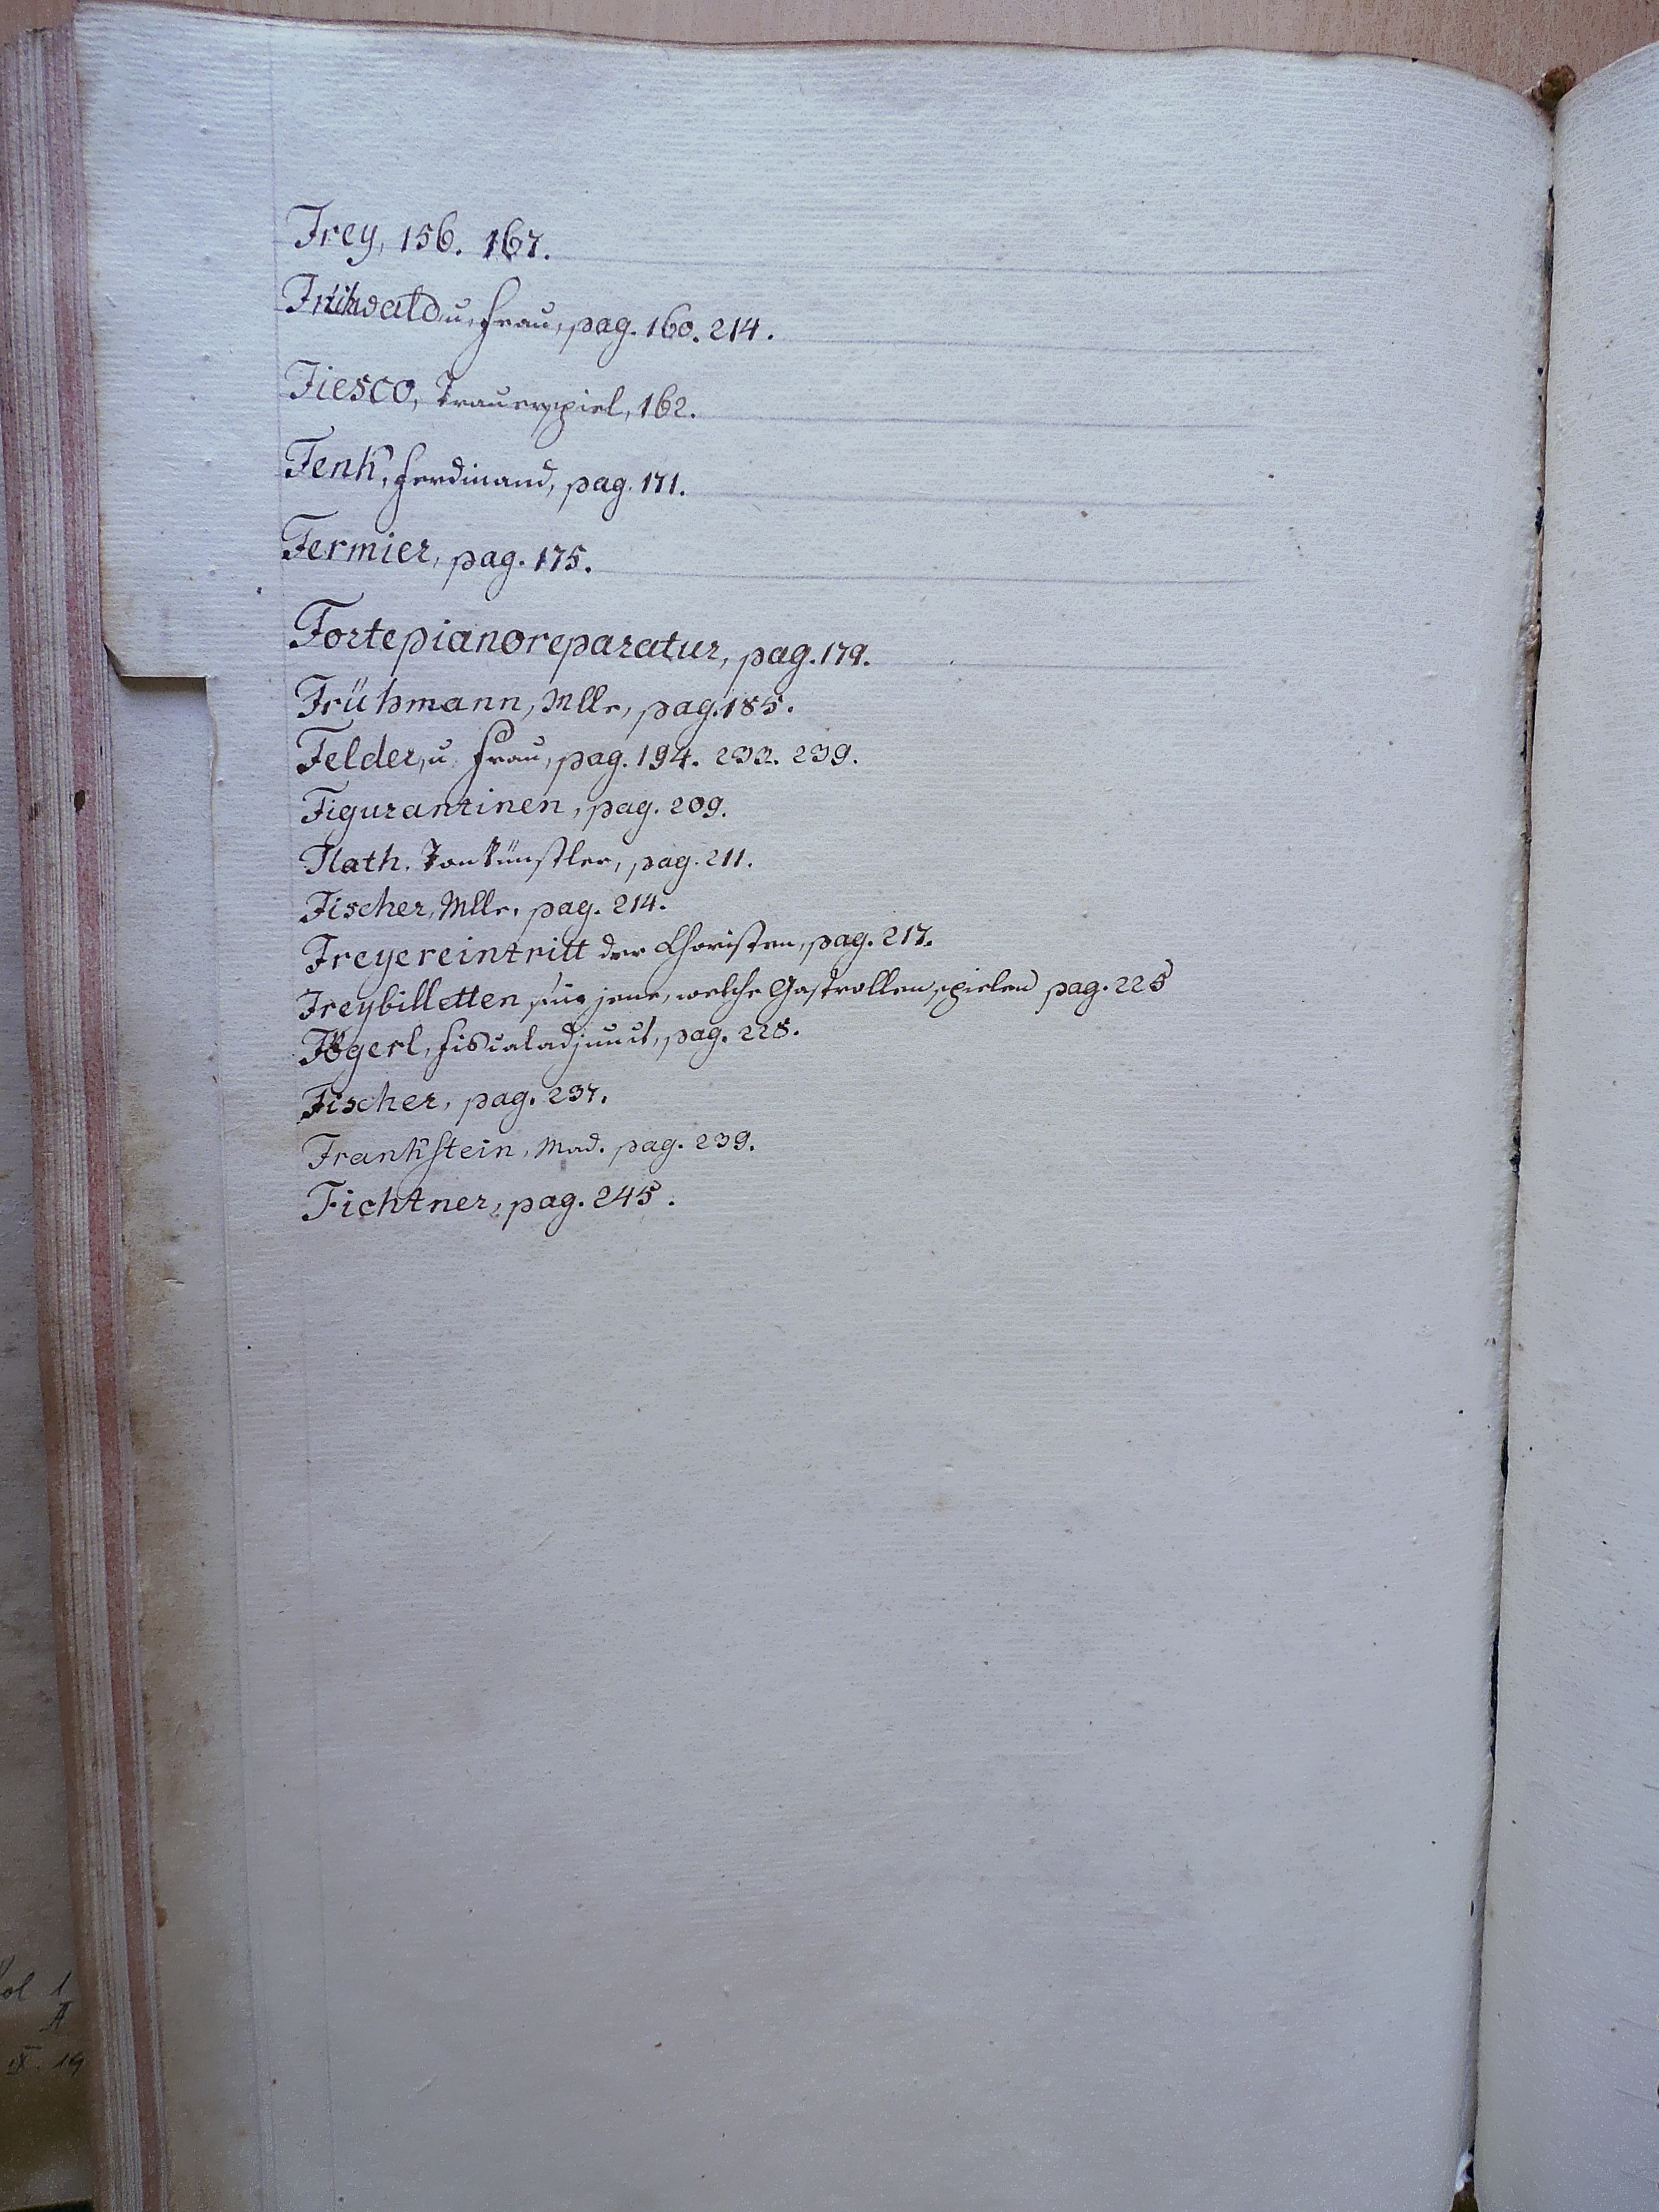Frey, 156. 167.
Frühwald, u, Frau, pag. 160. 214.
Fiesco, Trauerspiel, 162.
Fenk, Ferdinand, pag. 171.
Fermier, pag. 175.
Fortepianoreparatur, pag. 179.
Frühmann, Mlle, pag. 185.
Felder,u Frau, pag. 194. 233. 239.
Figurantinen, pag. 209.
Flath. Tonkünstler, pag. 211.
Fischer, Mlle. pag. 214.
Freyereintritt der Choristen, pag. 217.
Freybilletten für jene, welche Gastrollen spielen pag. 225
Fögerl, Fiscaladjunct, pag. 228.
Fischer, pag. 237.
Frankstein, Mad. pag. 239.
Fichtner, pag. 245.